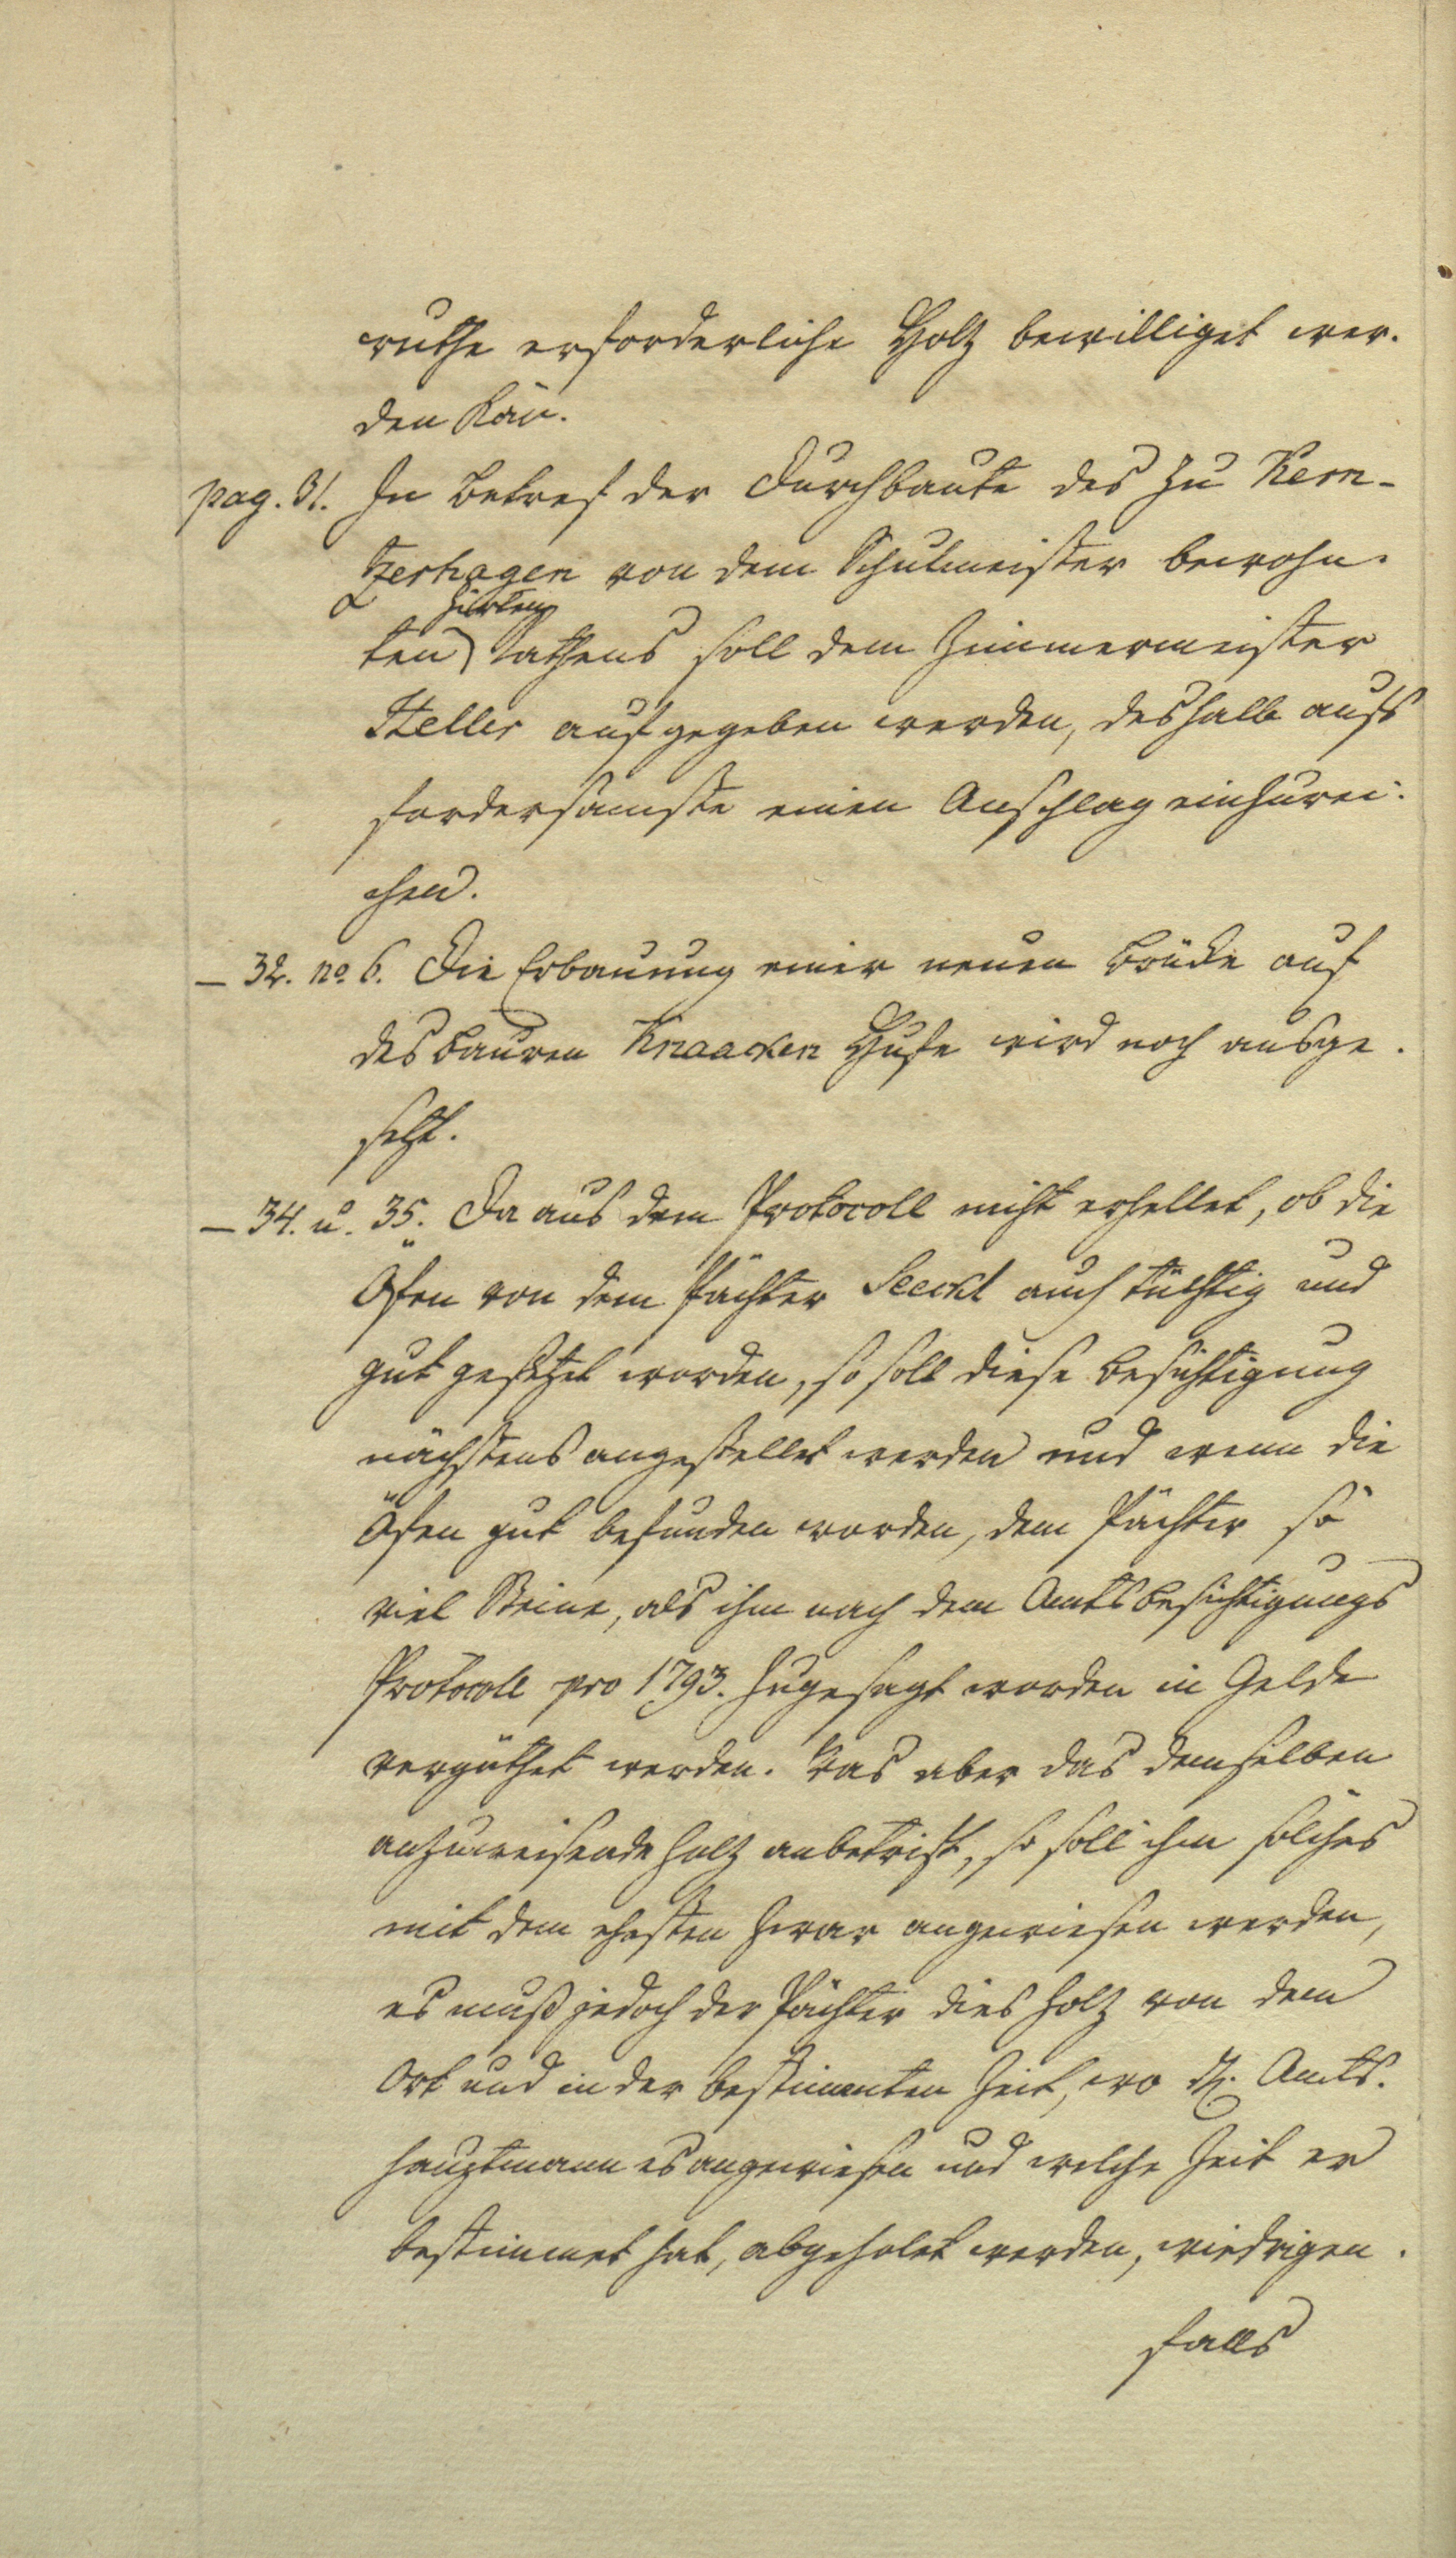ruthe erforderliche Holz bewilliget wer¬
den kan.
pag. 31. In Betref der Durchbaute des zu Kem¬
tzerhagen von dem Schulmeister bewohn¬
ten, Hirten Kathens soll dem Zimmermeister
Heller aufgegeben werden, deshalb aufs
fordersamste einen Anschlag einzurei¬
chen.
32. No 6. Die Erbauung einer neuen Brücke auf
des Bauren Knaacken Hufe wird noch ausge¬
setzt.
34. u. 35. Da aus dem Protocoll nicht erhellet, ob die
Öfen von dem Pächter Seeckt auch tüchtig und
gut gesetzet worden, so soll diese Besichtigung
nächstens angestellet werden und wenn die
Öfen gut befunden worden, dem Pächter so
viel Steine, als ihm nach dem Amtsbesichtigungs¬
Protocoll pro 1793. zugesagt worden in Gelde
vergüthet werden. Was aber das demselben
anzuweisende Holz anbeträfe, so soll ihm solches
mit dem ehesten zwar angewiesen werden,
es muß jedoch der Pächter dies Holz von dem
Ort und inder bestimmten Zeit, wo dh. Amts¬
hauptmann es angewiesen und welche Zeit er
bestimmet hat, abgeholt werden, wiedrigen¬
falls